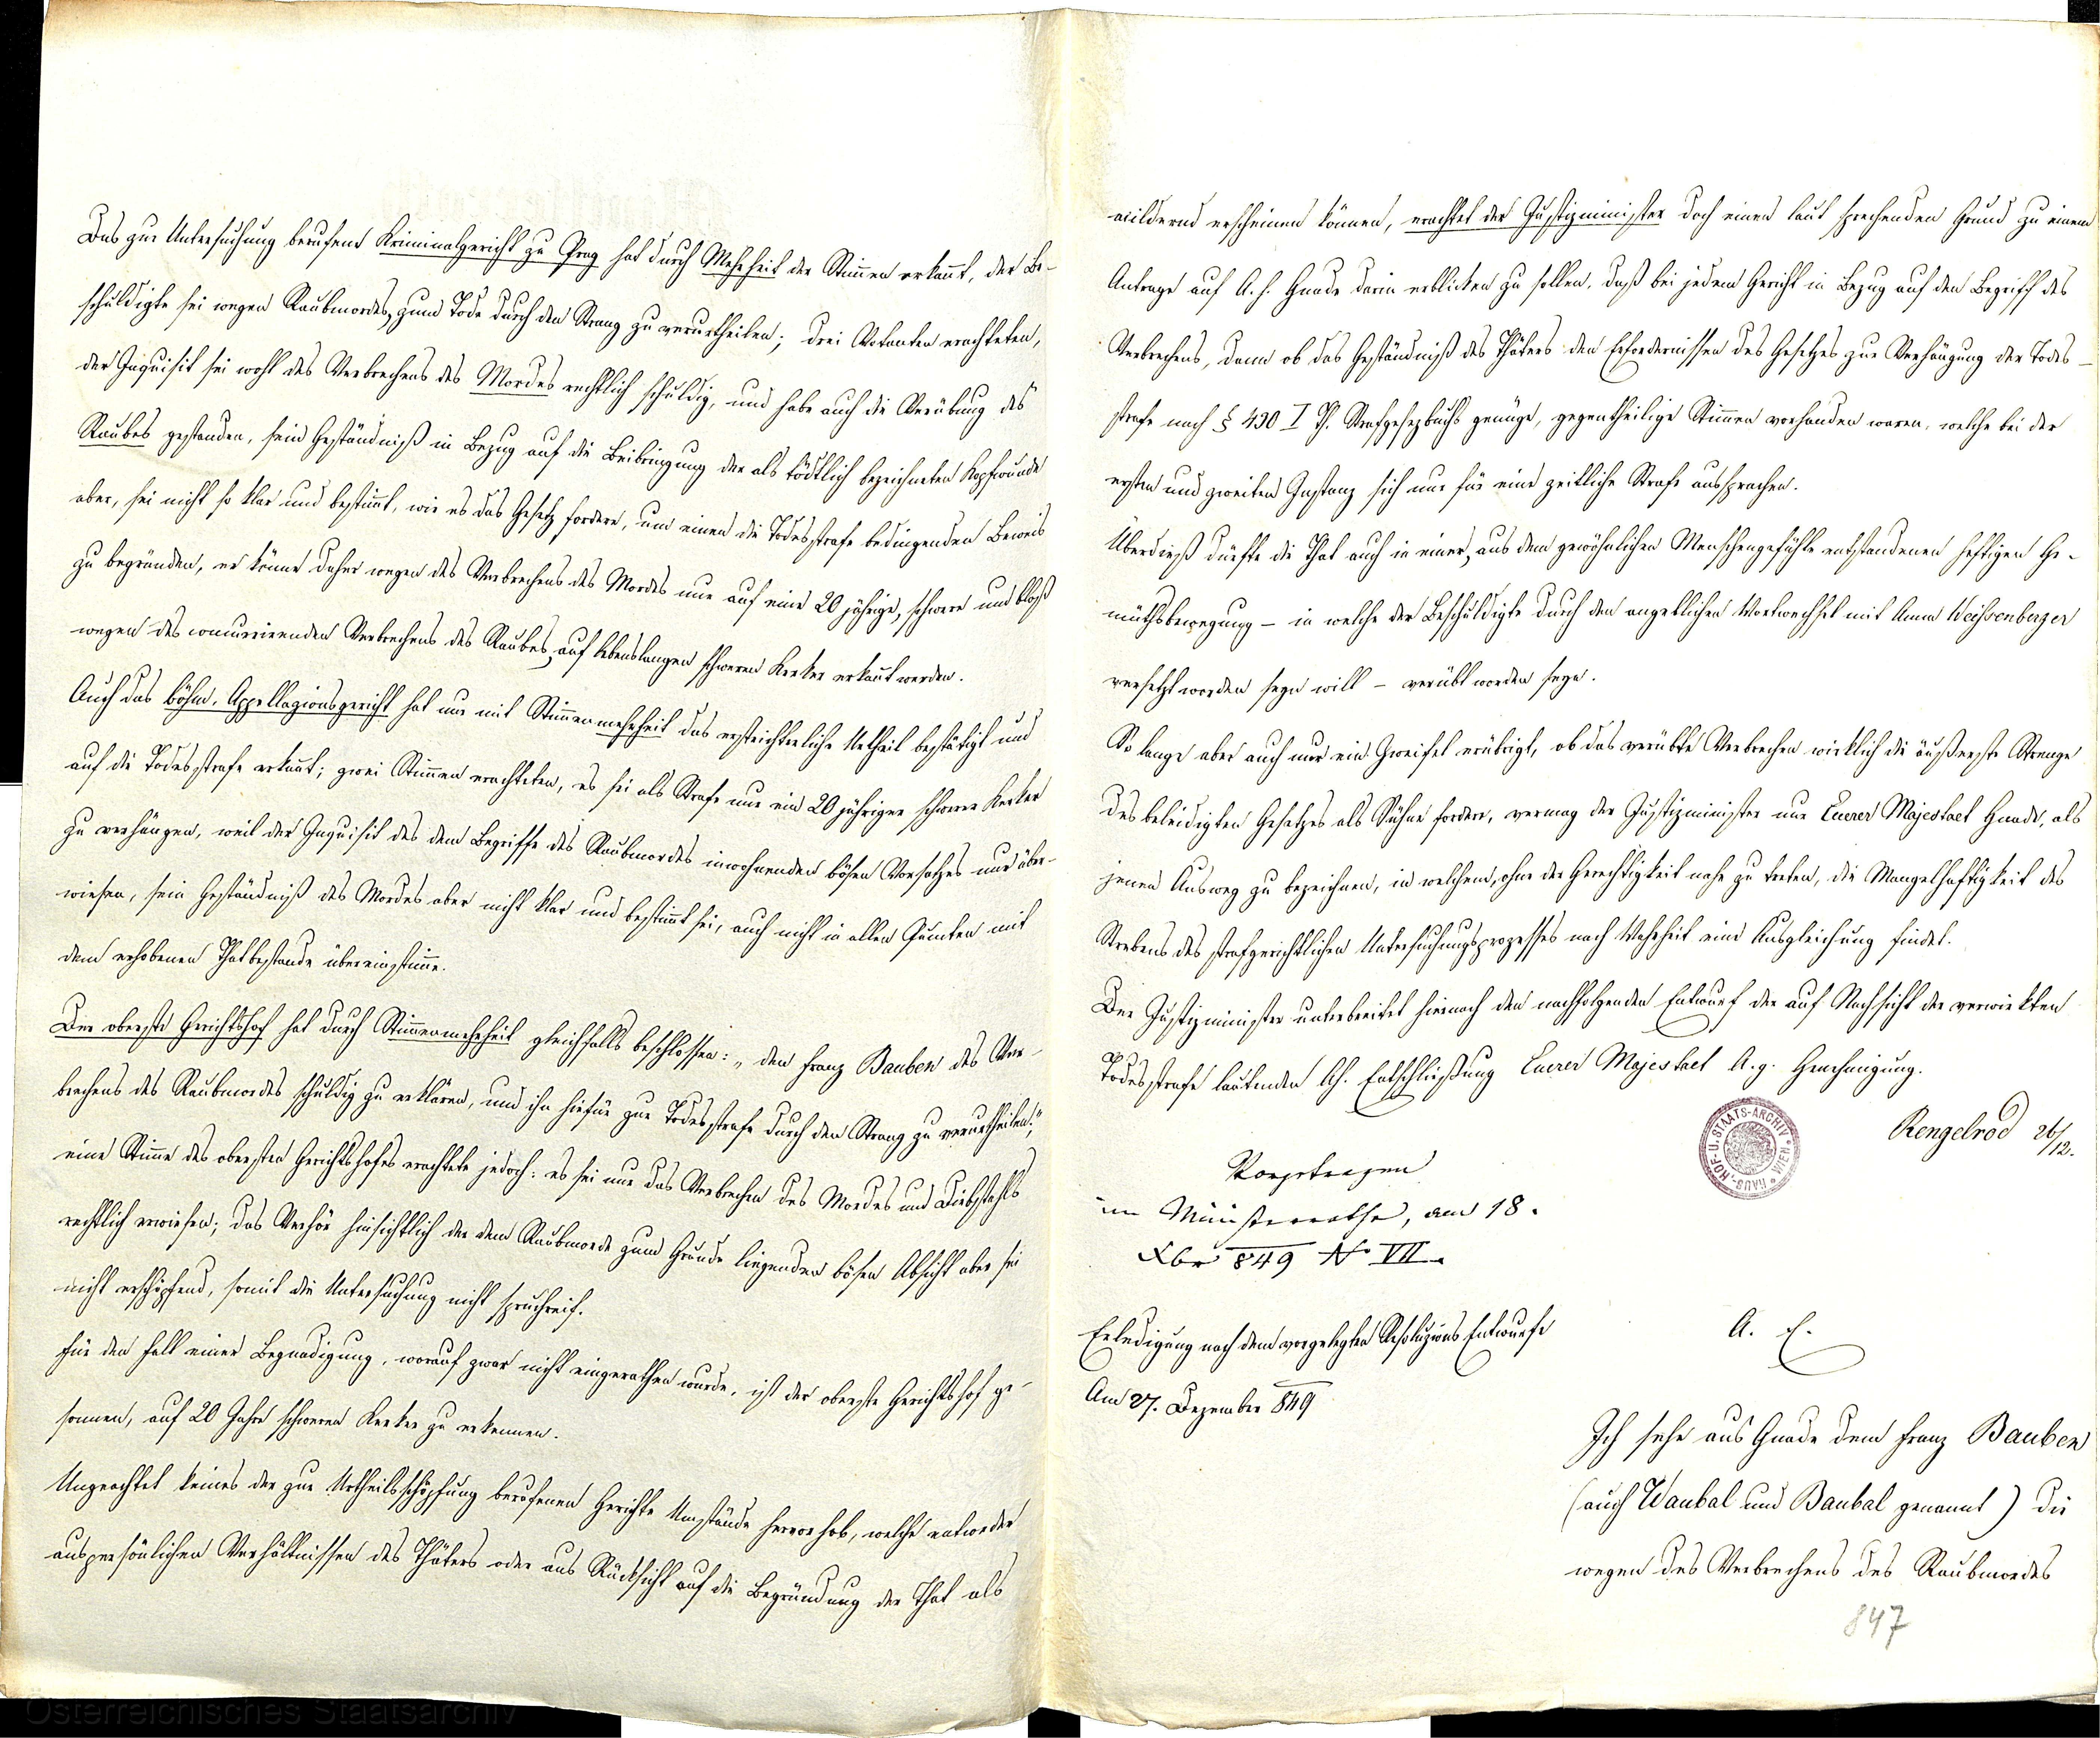Das zur Untersuchung berufend Kriminalgericht zu Prag hat durch Mehrheit der Stimmen erkaut, der Be¬
schuldigte sei wegen Raubmordes, zum Tode durch den Strang zu verurtheilen; drei Rotanten erachteten,
der Jnquisit sei wohl des Verbrechens des Mordes rechtlich schuldig, und habe auch die Verübung des
Raubes gestanden, sein Geständniß in Bezug auf die Beibringung der als tödlich bezeichneten Kopfwunde
aber, sei nicht so klar und bestimmt, wie es das Gesetz fordere, um einen die Todesstrafe bedingenden Beweis
zu begründen, er könne daher wegen des Verbrechens des Mordes nur auf eine 20 jährige, schwere und bloß
wegen des conkurrirenden Verbrechens des Raubes, auf lebenslangen schweren Kerker erkaut werden.
Auch das böhm. Appellazionsgericht hat nur mit Stimmenmehrheit das erstrichterliche Urtheil bestätigt und
auf die Todesstrafe erkaut; zwei Stimmen erachteten, es sei als Strafe nur ein 20 jähriger schwerer Kerker
zu verhängen, weil der Jnquisit des dem Begriffe des Raubmordes inwohnenden bösen Vorsatzes nur über¬
wiesen, sein Geständniß des Mordes aber nicht klar und bestimmt sei, auch nicht in allen Puncten mit
dem erhobenen Thatbestande übereinstimme.
Der oberste Gerichtshof hat durch Stimmenmehrheit gleichfalls beschlossen: „den Franz Bauben des Ver¬
brechens des Raubmordes schuldig zu erklären, und ihn hiefür zur Todesstrafe durch den Strang zu verurtheilen“;
eine Stimme des obersten Gerichtshofes erachtete jedoch: es sei nur das Verbrechen des Mordes und Diebstahls
rechtlich erwiesen; das Verhör hinsichtlich der dem Raubmorde zum Grunde liegenden bösen Absicht aber sei
nicht erschöpfend, somit die Untersuchung nicht spruchreif.
Für den Fall einer Begnadigung, worauf zwar nicht eingerathen wurde, ist der oberste Gerichtshof ge¬
sonnen, auf 20 Jahre schweren Kerker zu erkennen.
Ungeachtet keines der zur Urtheilsschöpfung berufenen Gerichte Umstände hervor hob, welche entweder
aus persönlichen Verhältnissen des Thäters oder aus Rücksicht auf die Begründung der That als
wildernd erscheinen können, erachtet der Justizminister doch einen laut sprechenden Grund zu einem
Antrage auf A. h. Gnade darin erblicken zu sollen, daß bei jedem Gericht in Bezug auf den Begriff des
Verbrechens, dann ob das Geständniß des Thäters den Erfordernissen des Gesetzes zur Verhängung der Todes¬
strafe nach § 430 I Th. Strafgesezbuchs genüge, gegentheilige Stimmen vorhanden waren, welche bei der
ersten und zweiten Jnstanz sich nur für eine zeitliche Strafe aussprachen.
Überdieß dürfte die That auch in einer, aus dem gewöhnlichen Menschengefühle entstandenen heftigen Ge¬
müthsbewegung - in welcheder Beschuldigte durch den angeblichen Wortwechsel mit Anna Weissenberger
versetzt worden seyn will - verübt worden seyn.
Sol lange aber auch nur ein Zweifel erübrigt, ob das verübte Verbrechen wirklich die äußerste Strenge
des beleidigten Gesetzes als Sühne fordere, vermag der Justizminister nur Euerer Majestaet Hande, als
jenen Ausweg zu bezeichnen, in welchem, ohne der Gerechtigkeit nahe zu treten, die Mangelhaftigkeit des
Strebens des strafgerichtlichen Untersuchungsprozesses nach Wahrheit eine Ausgleichung findet.
Der Justizminister unterbreitet hiernach den nachfolgenden Entwurf der auf Nachsicht der verwirkten
Todesstrafe lautenden Ah. Entschließung Euerer Majestaet A. g. Genehmigung.
Rengelrod 26/12
Vorgetragen
m Ministerrathe, am 18.
Xbr 849 No VII
Erledigung nach dem vorgelegten Resoluzions Entwurfe
Am 27. Dezember 849
A. E.
Ich sehe aus Gnade dem Franz Bauben
(auch Waubal und Baubal genannt) die
wegen des Verbrechens des Raubmordes
847